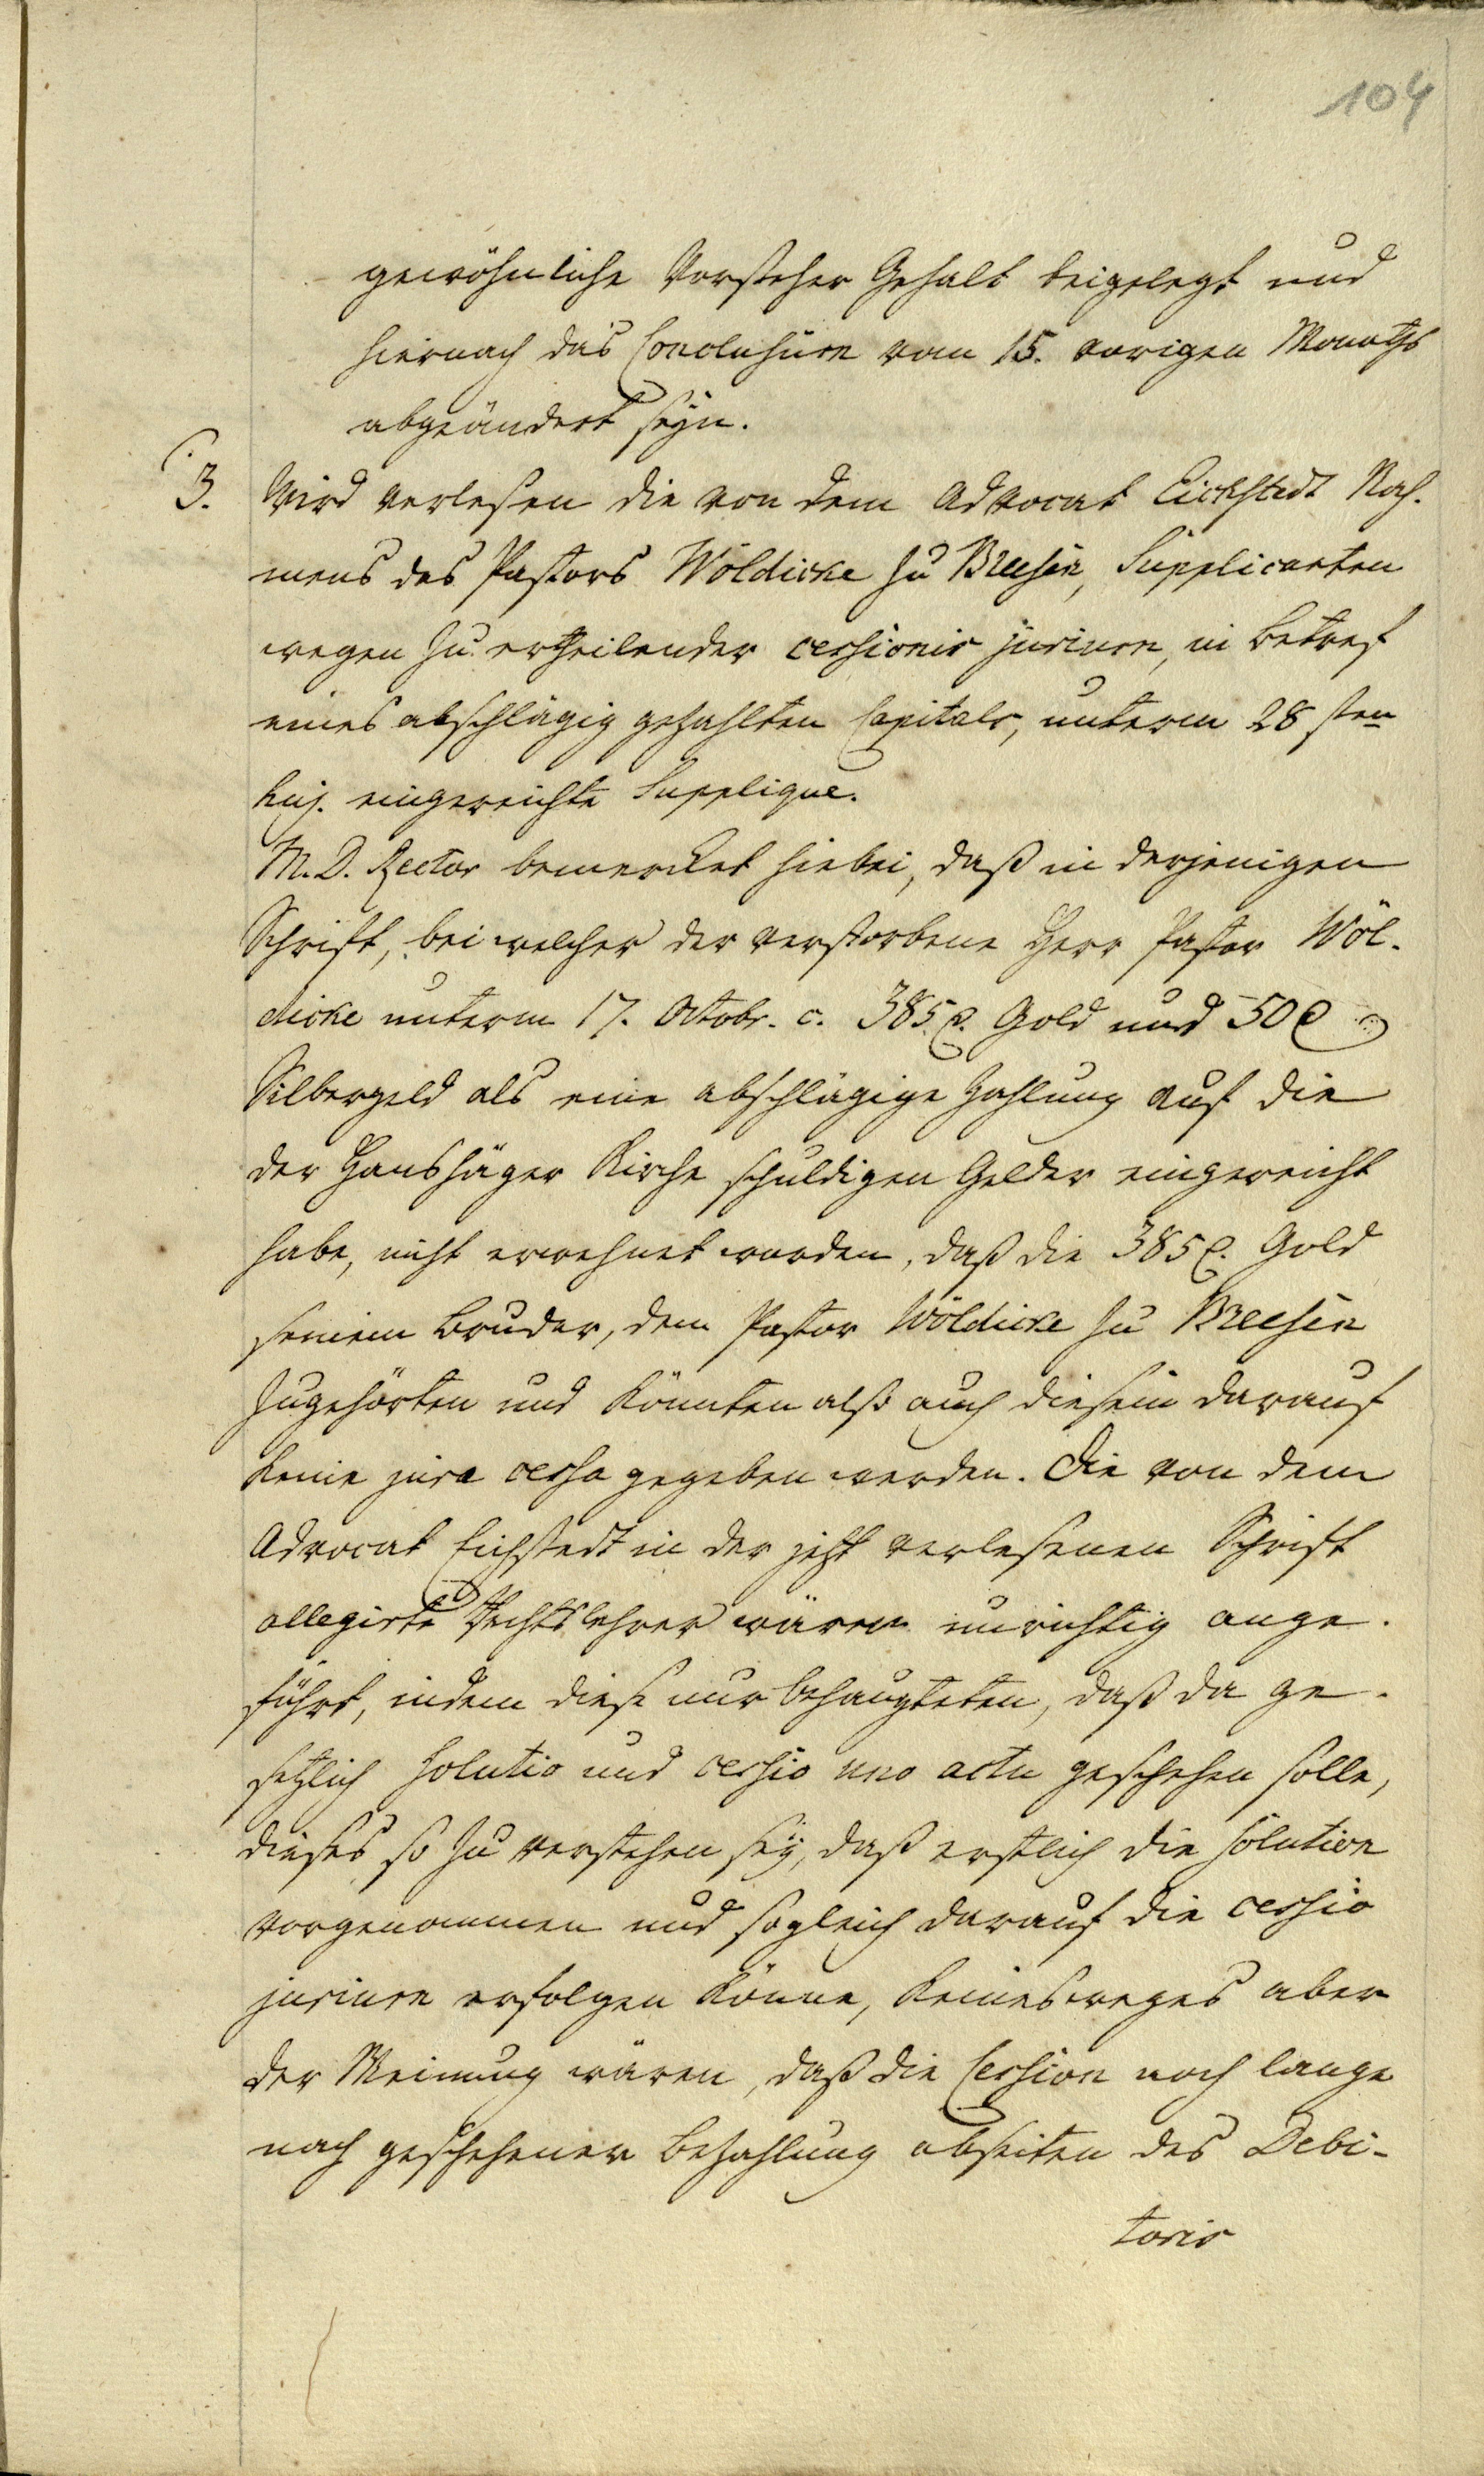gewöhnlichen Vorsteher Gehalt beigelegt und
hiernach das Conclusum vom 15. vorigen Monaths
abgeändert seÿn.
3. Wird verlesen die von dem Advocat Eichstedt Nah
mens des Pastors Wöldicke zu Breesen, Supplicanten
wegen zu ertheilender cessionis jurium, in Betref
eines abschlägig gezahlten Capitals, unterm 28 sten
huj. eingereichte Supplique.
M. D. Rector bemercket hiebei, daß in derjenigen
Schrift, bei welcher der verstorbene Herr Pastor Wöl¬
dicke unterm 17. Octobr. c. 385 l. Gold und 50 l.
Silbergeld als eine abschlägige Zahlung auf die
der Hanshäger Kirche schuldigen Gelder eingereicht
habe, nicht erwehnet worden, daß die 385 l. Gold
seinem Bruder, dem Pastor Wöldicke zu Breesen
zugehörten und könnten also auch diesem darauf
keine jura cessa gegeben werden. Die von dem
Advocat Eichstedt in der jetzt verlesenen Schrift
allegirte Rechts Lehrer wären unrichtig ange¬
führt, indem diese nur behaupteten, daß da ge¬
setzlich solutio und cessio uno actu geschehen solle,
dieses so zu versehen seÿ, daß erstlich die Solution
vorgenommen und sogleich darauf die cessio
jurium erfolgen könne, keinesweges aber
der Meinung wären, daß die Cession noch lange
nach geschehener Bezahlung abseiten des Debi¬
toris